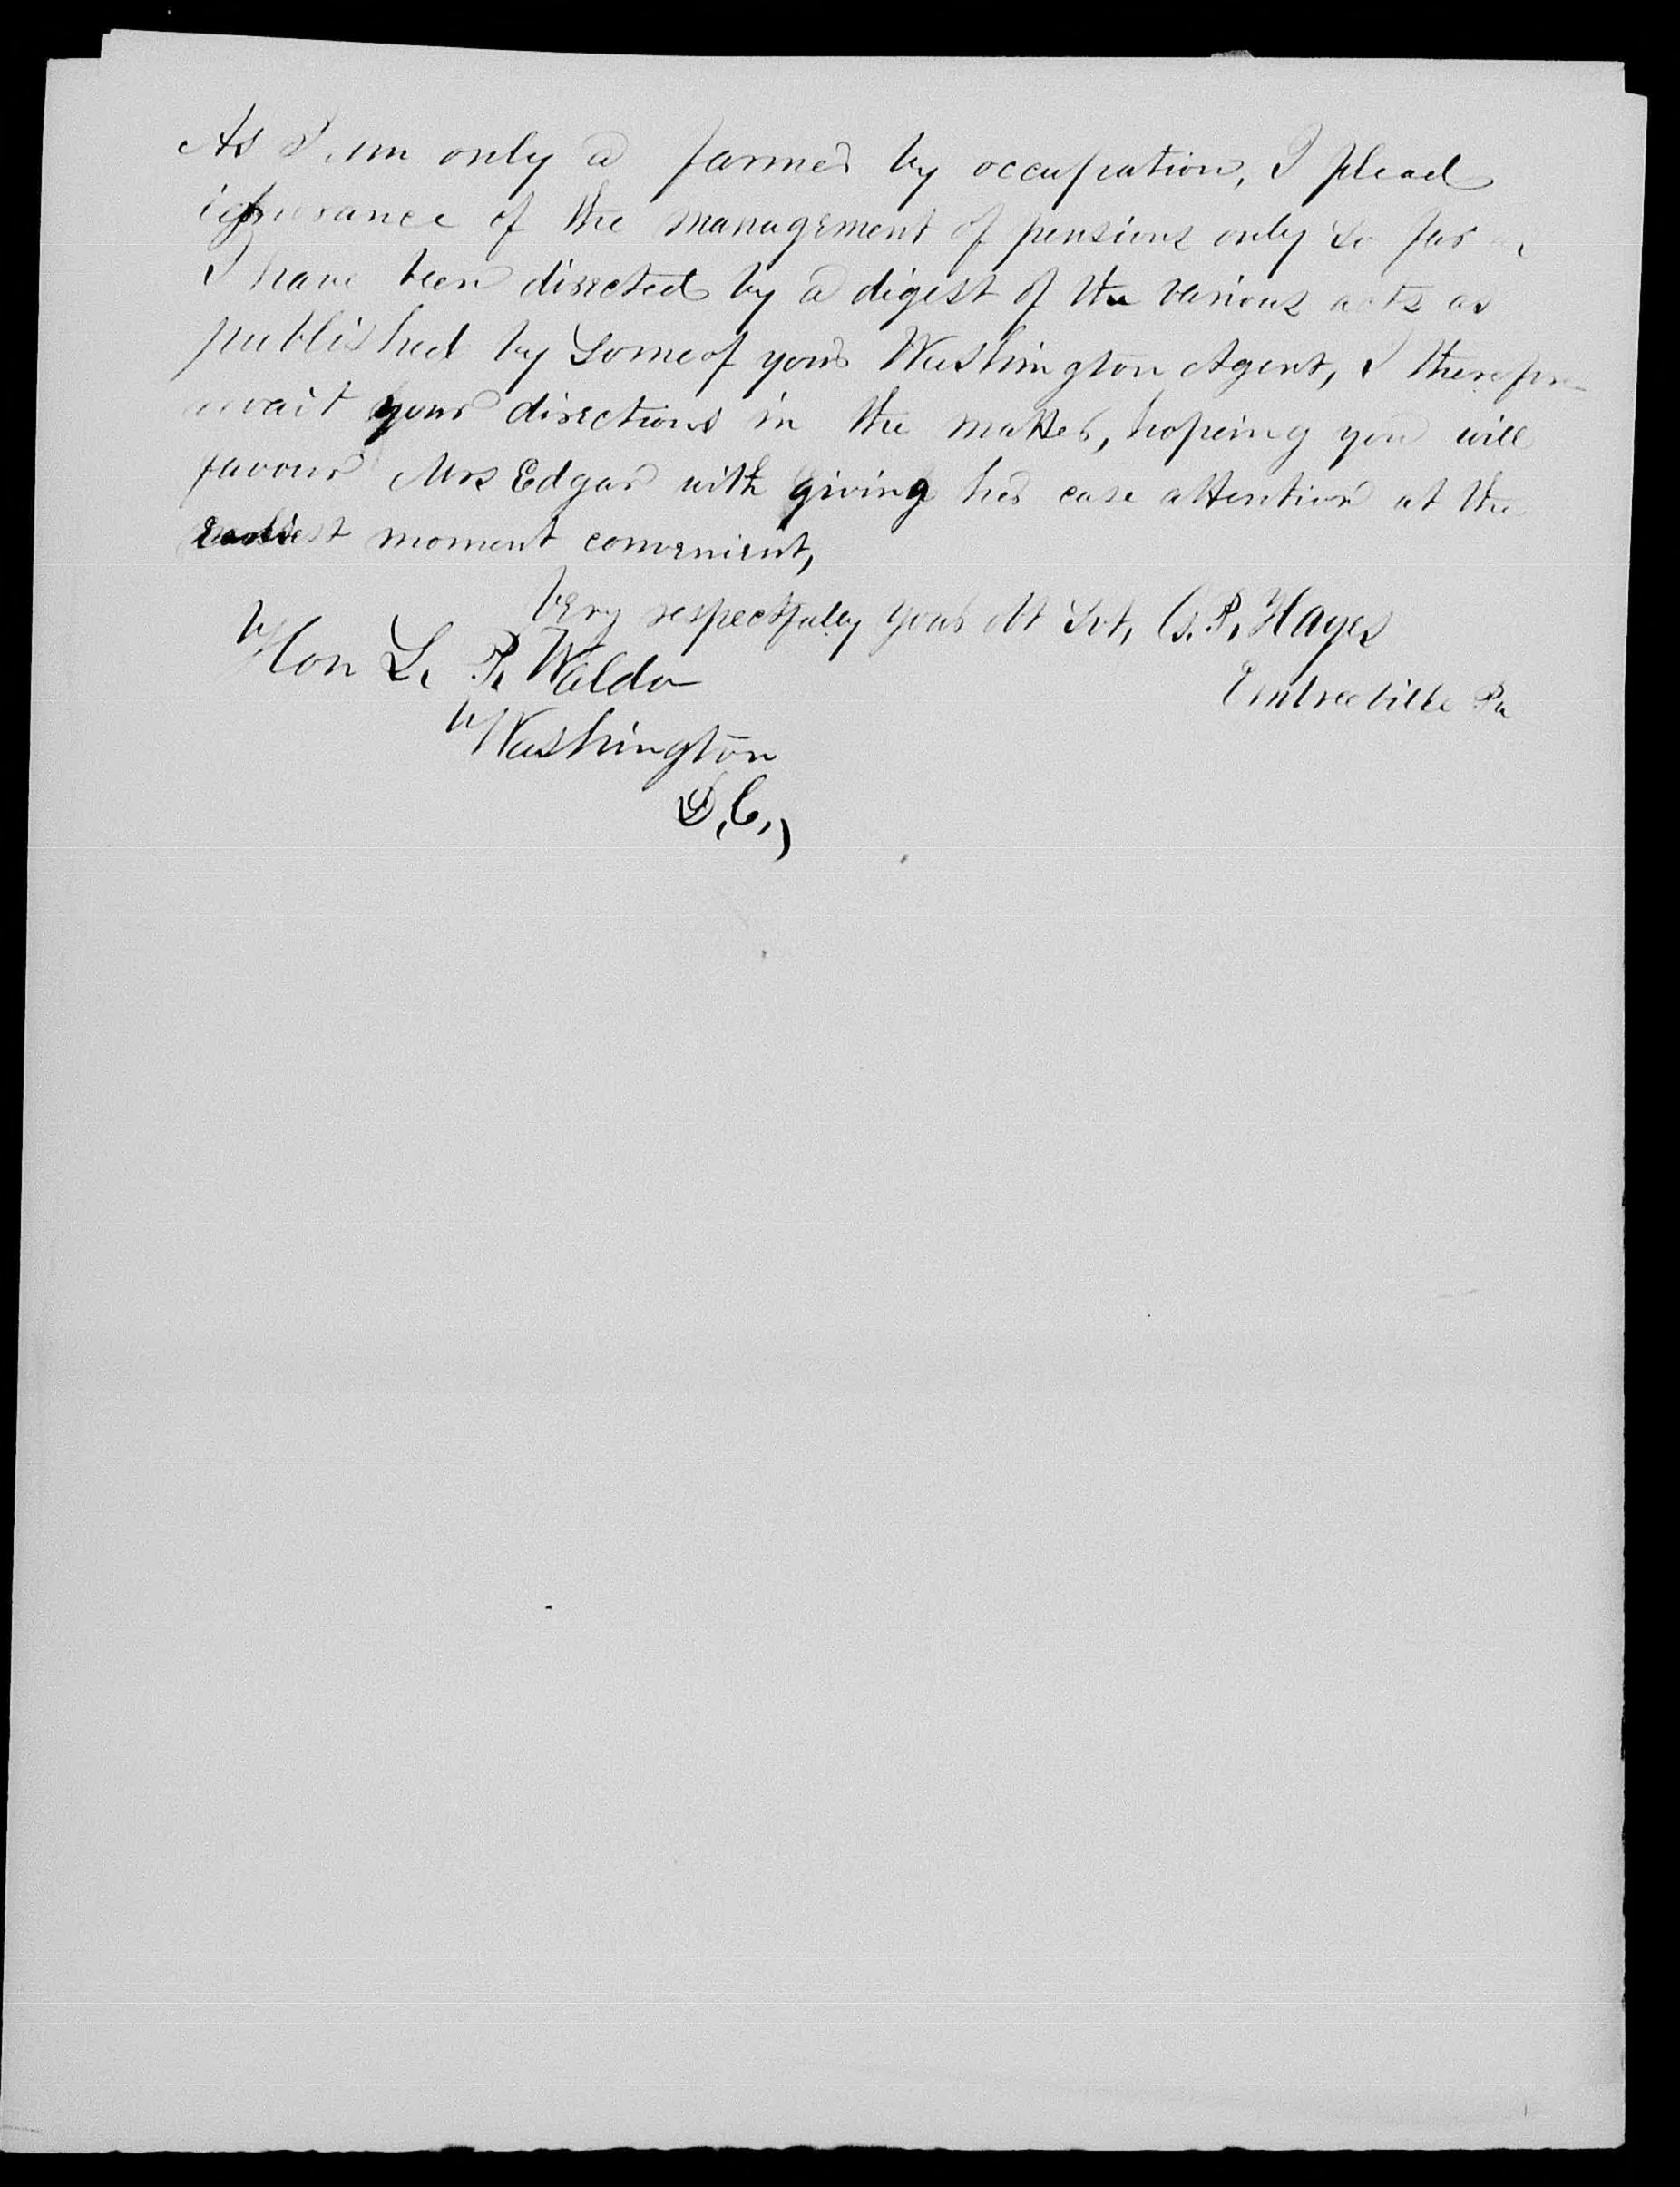As I in only a farmer by occupation, I plead
ignorance of the management of pensions only so far
I have been directed by a digest of the various acts as
published by some of your Washington Agent, & therefore
await your directions in the matter, hoping you will
favour Mrs. Edgar with giving his case attention at the
nearest moment convenient.

Very respectfully your obt svt,,
A.P. Hayes
Embreeville, Pa

Hon L P Wild0
Washington
D.C.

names: L P Waldo, Edgar, G P Hayes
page: 53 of 74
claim: widow's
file: W. 9422, James Edgar, Penn.